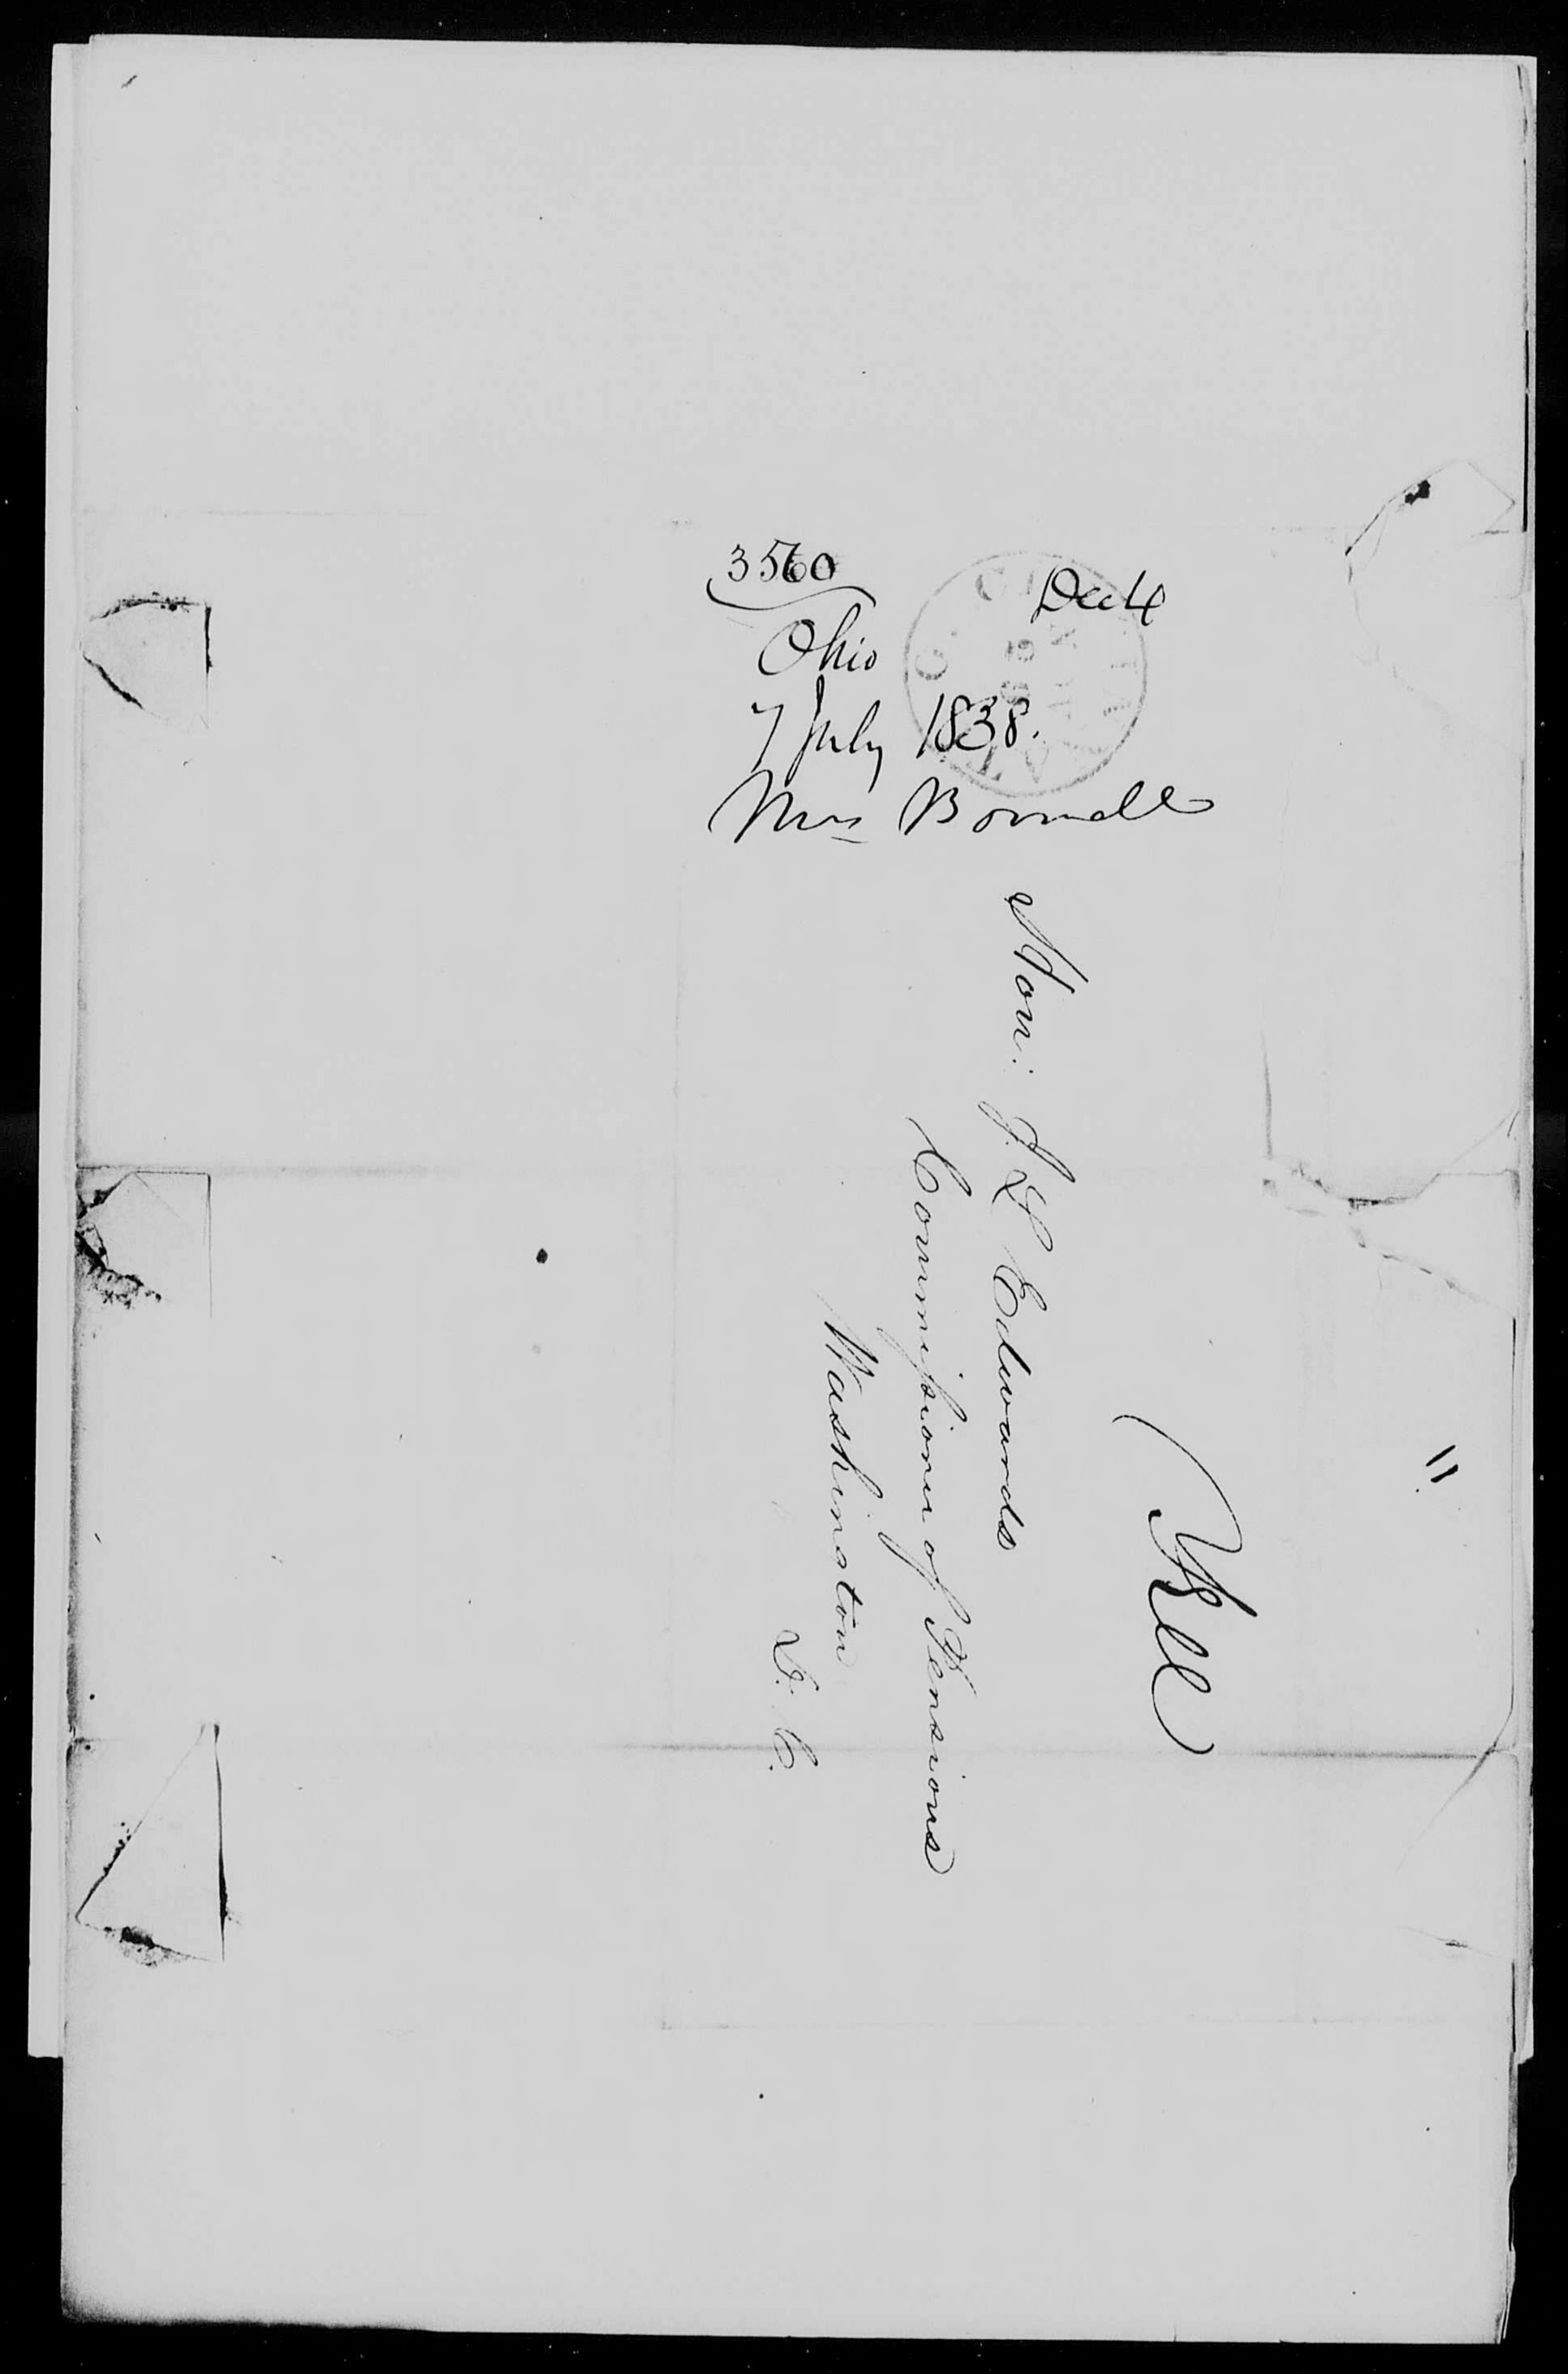3560
Ohio
Dec 6
7 July 1838
Mrs. Bonnell

Hon J. L. Edwards
Commissioner of Pensions
Washington CD

Free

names: J L Edwards, Bonnell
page: 47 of 67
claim: rejected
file: R. 1009, Aaron Bonnel, New Jersey